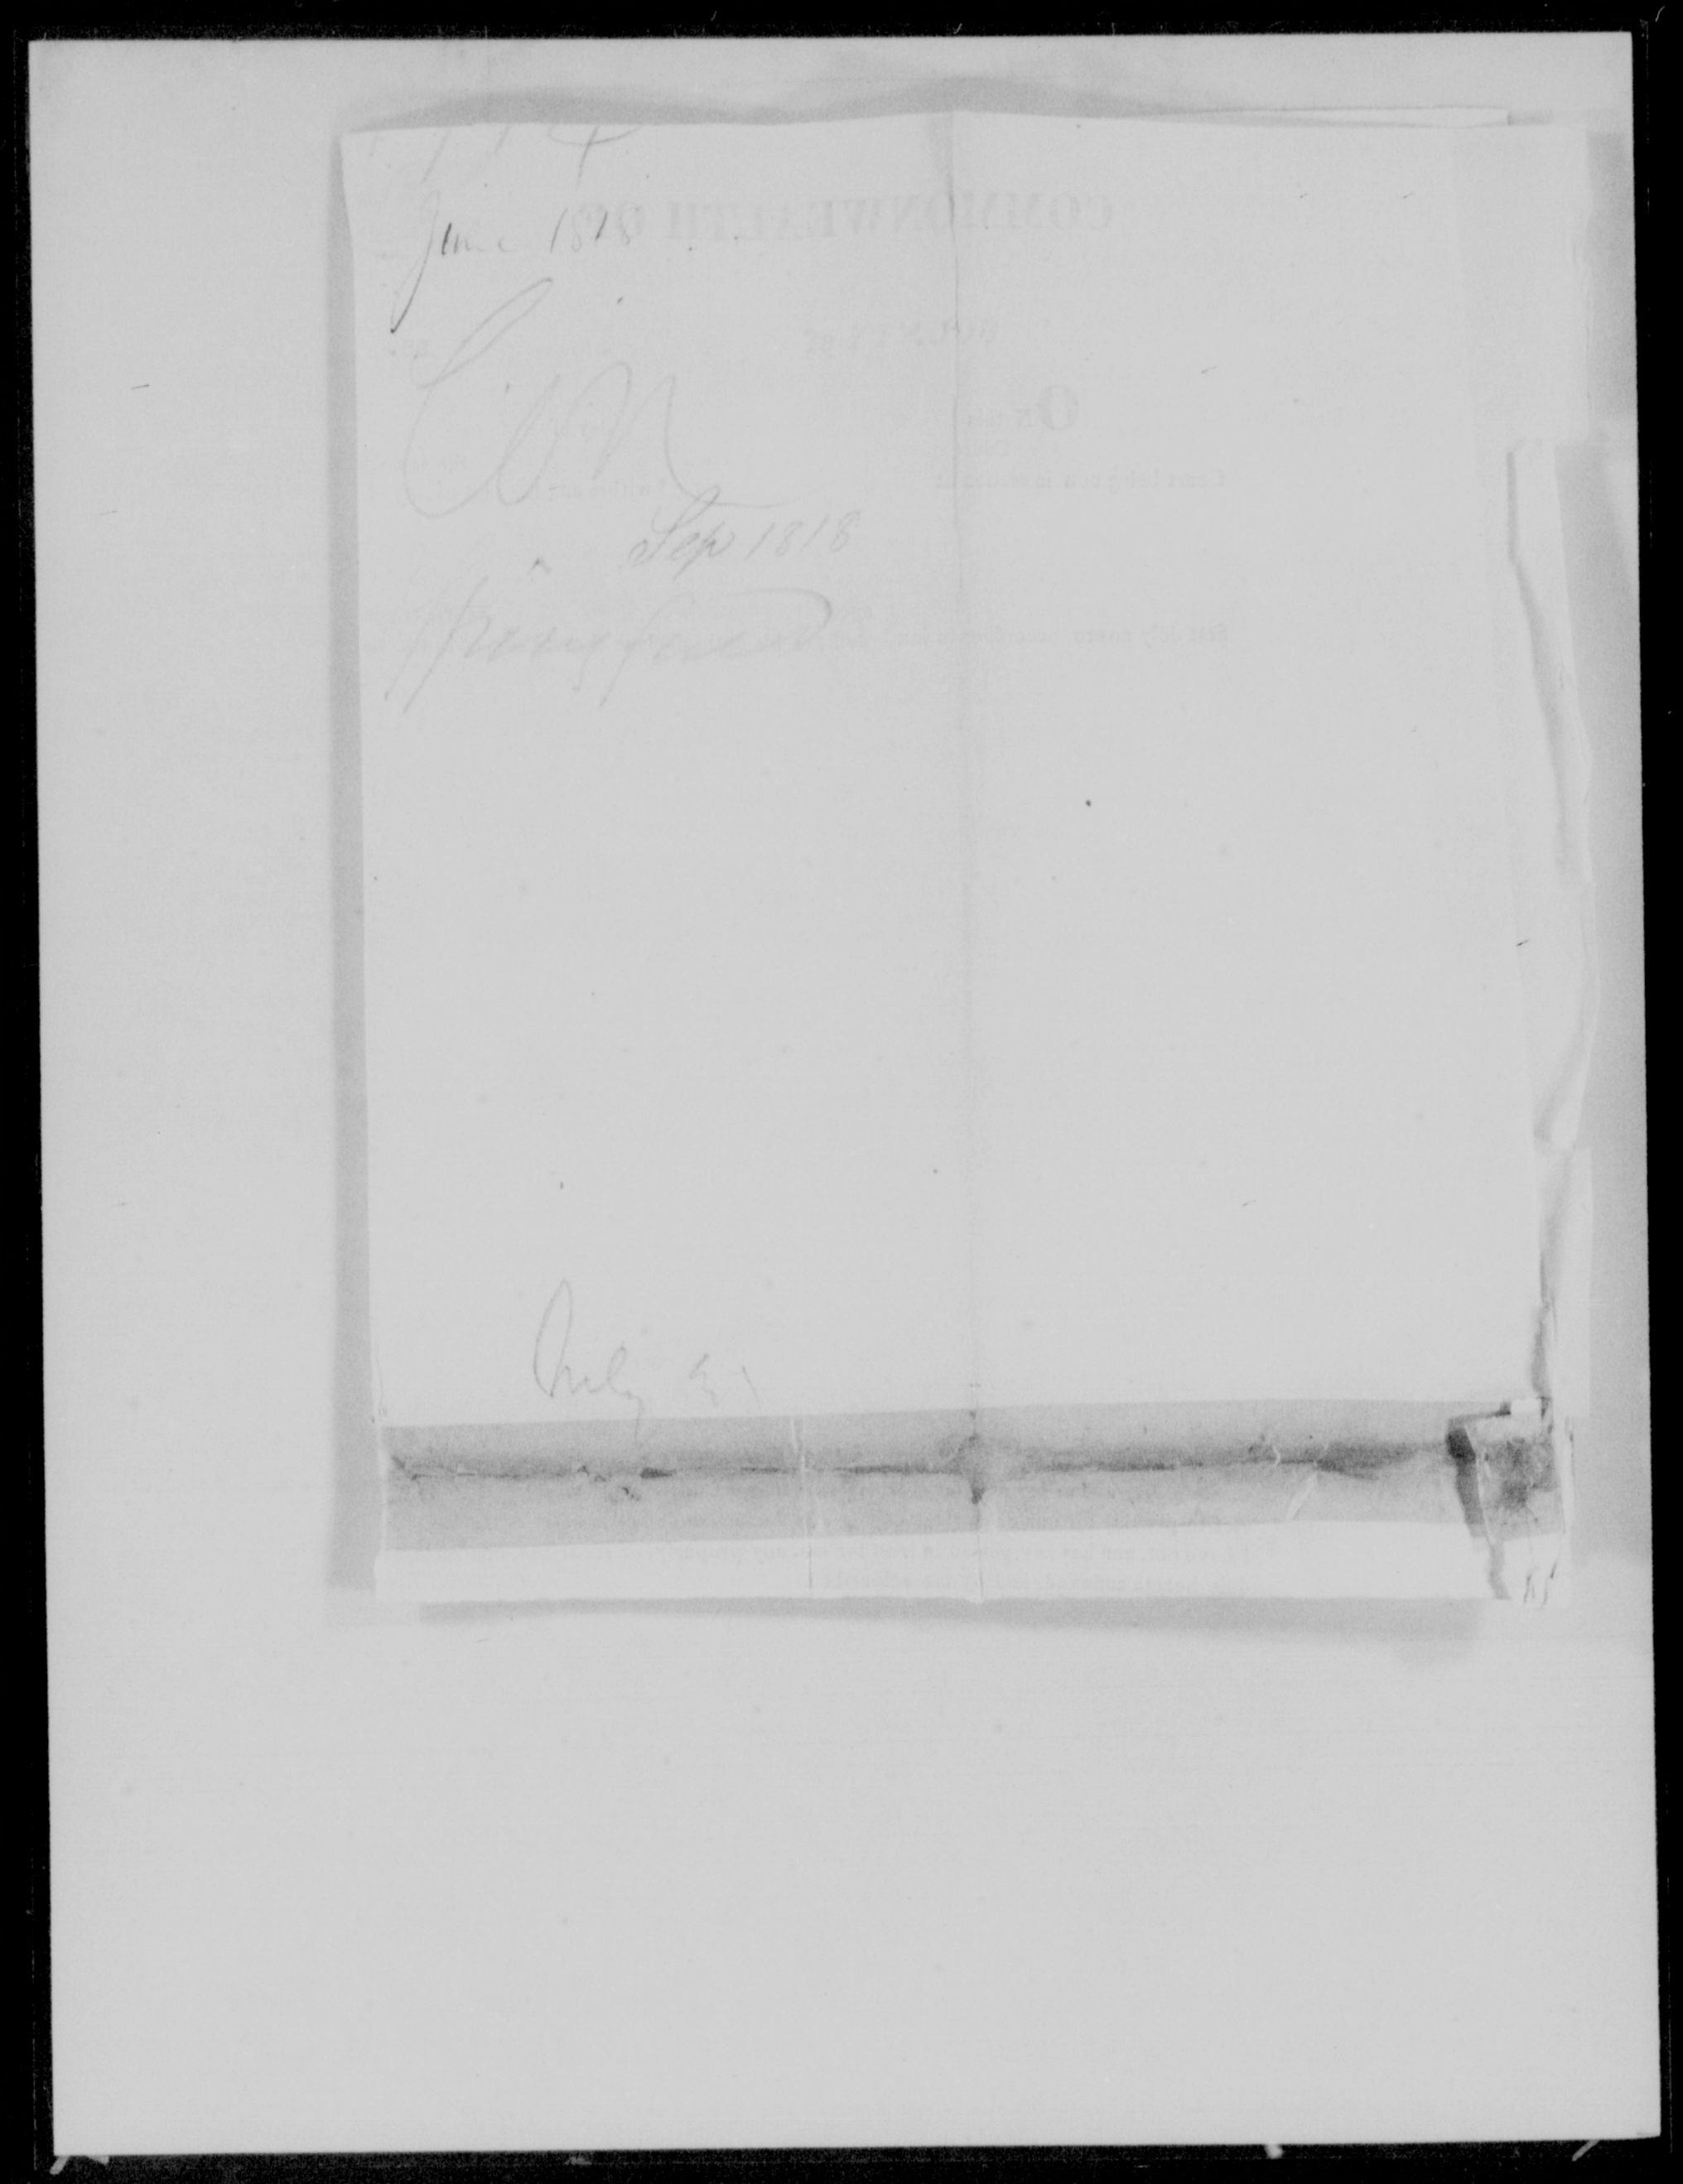June 1818

Con
Sep  1818
Springfield

July 31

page: 4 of 9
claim: survivor's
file: S. 33869, Nehemiah Ward, Mass.